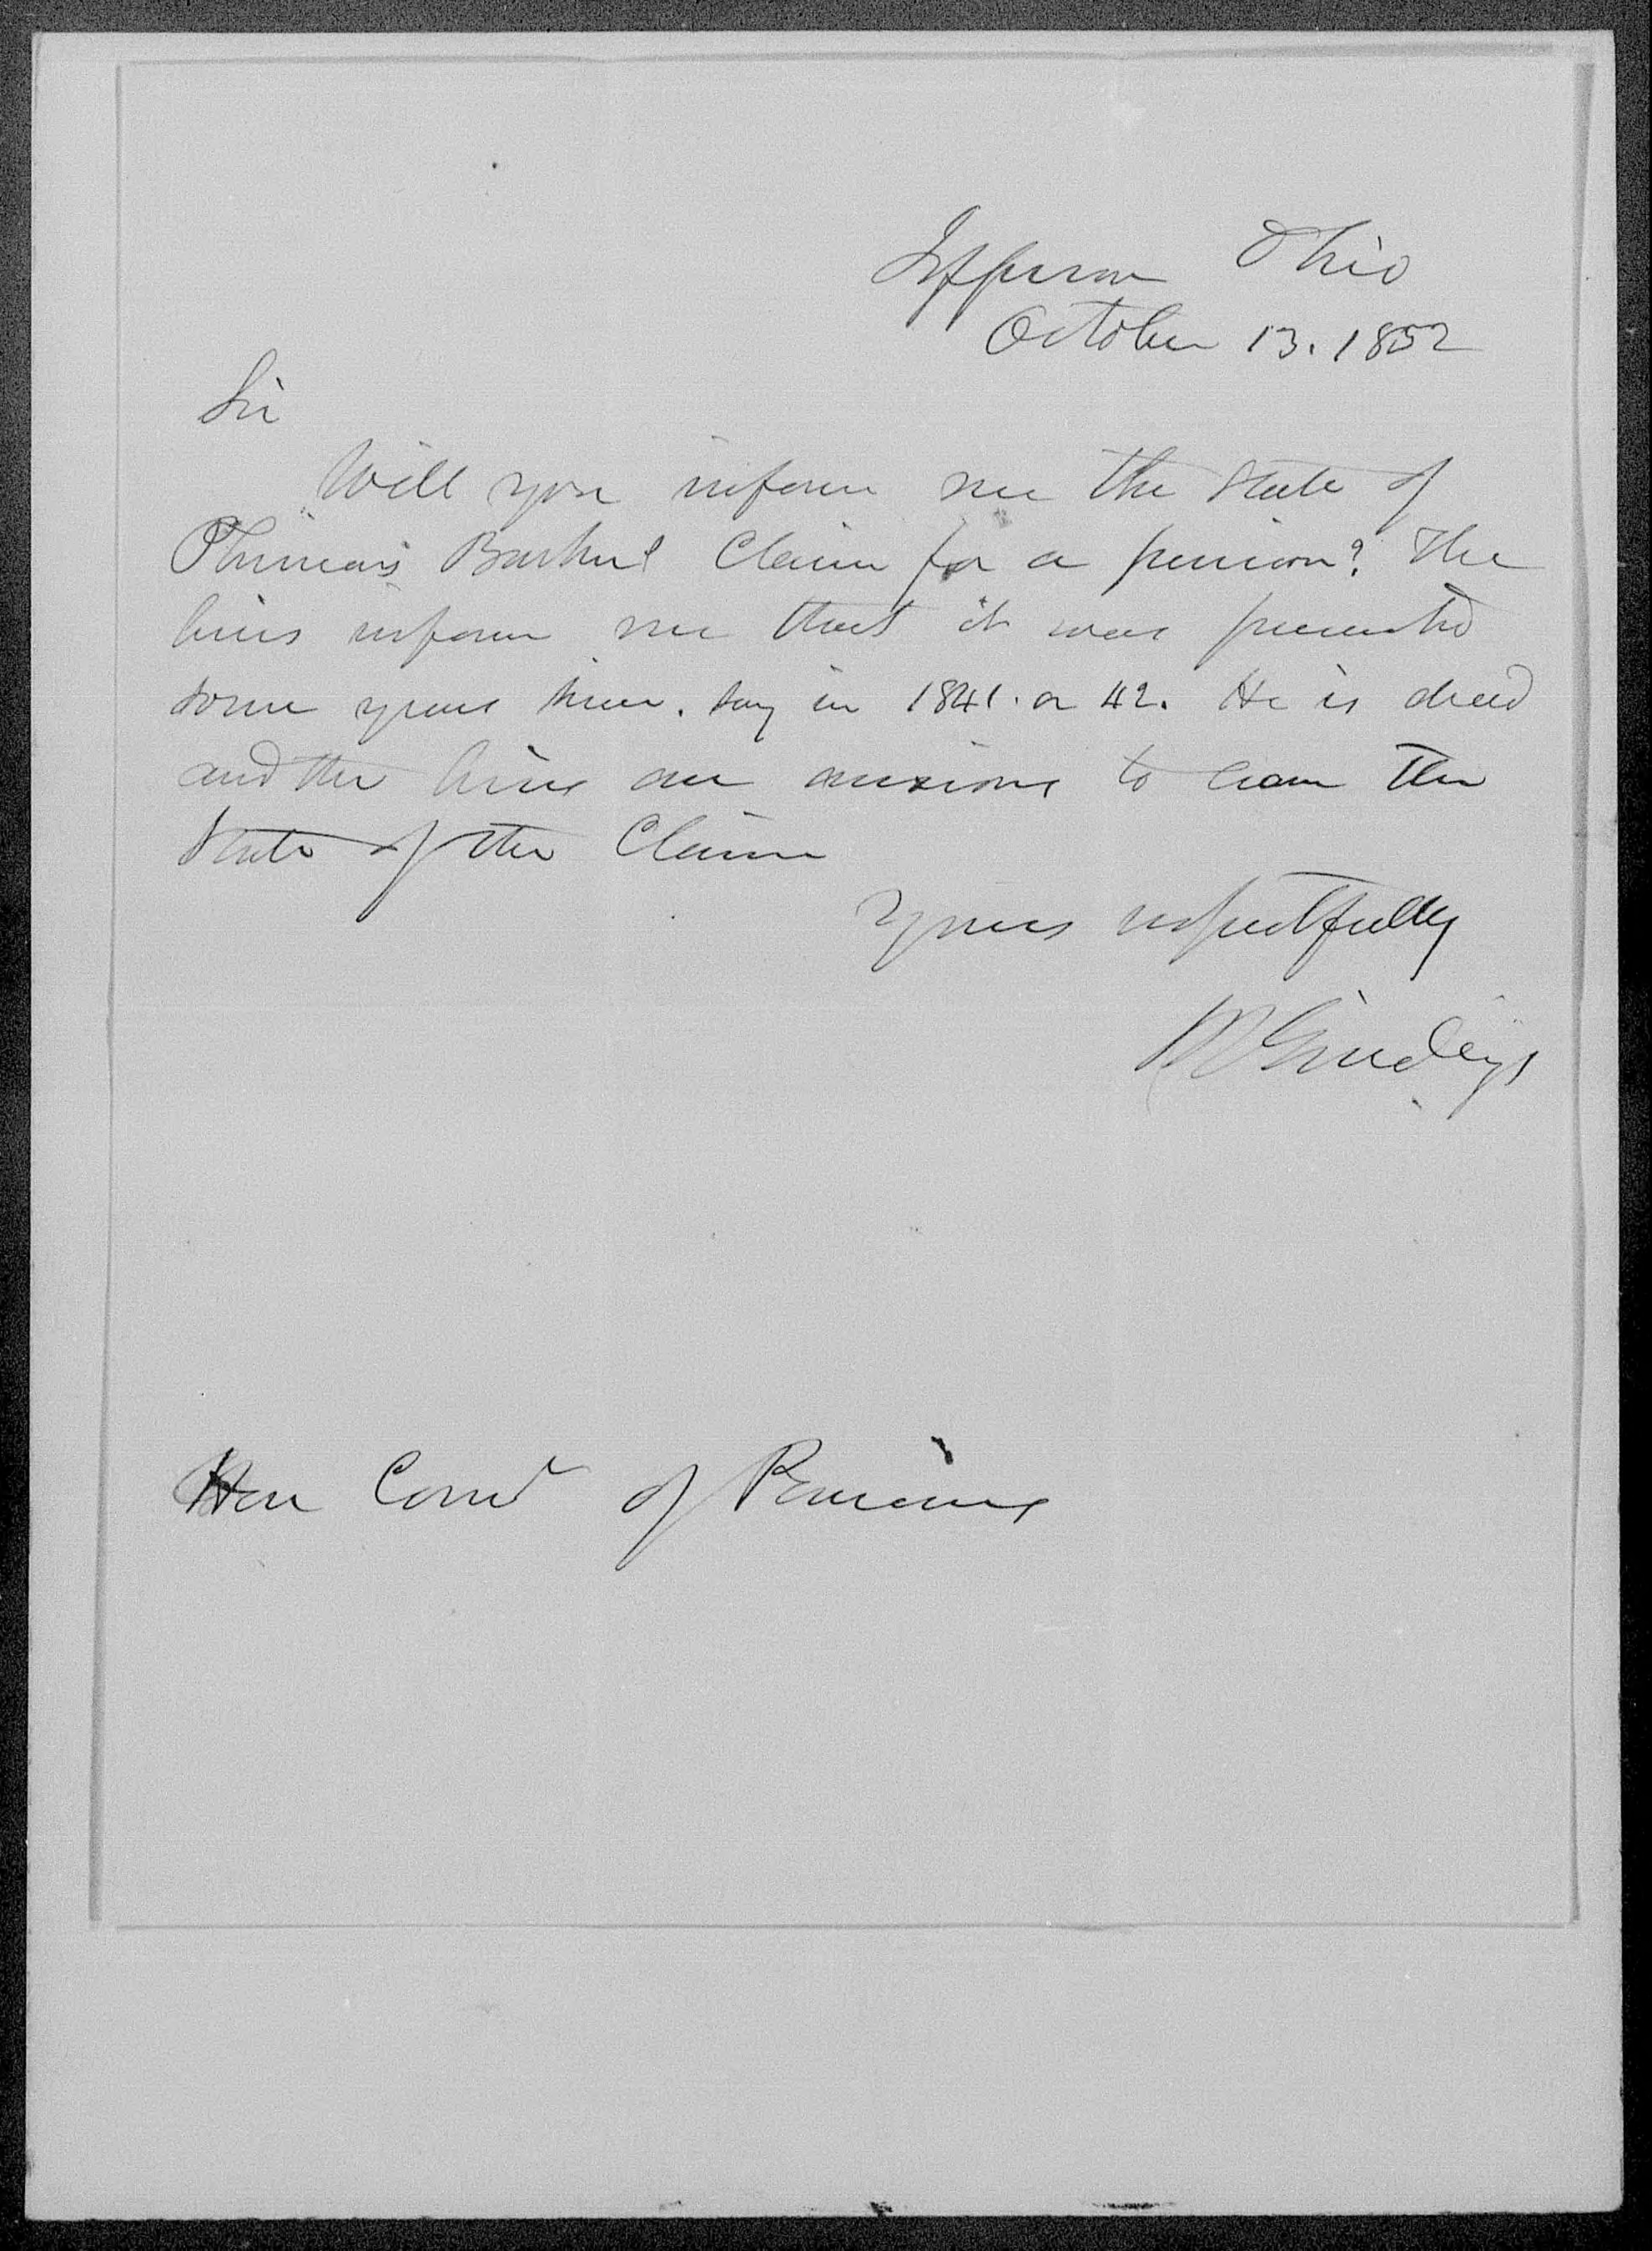Jefferson Ohio October 13, 1852 
Sir
Will you inform me the State of Phineas Barker’s Claim for a pension. The heirs inform me that it was presented some years since, say in 1841 or 42. He is dec’d and the heirs are anxious to learn the state of the claim.
Yours respectfully
M. Gridleys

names: Phineas Barker, M Gindeys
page: 31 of 35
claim: rejected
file: R. 501, Phineas Barker, Conn. Privateer